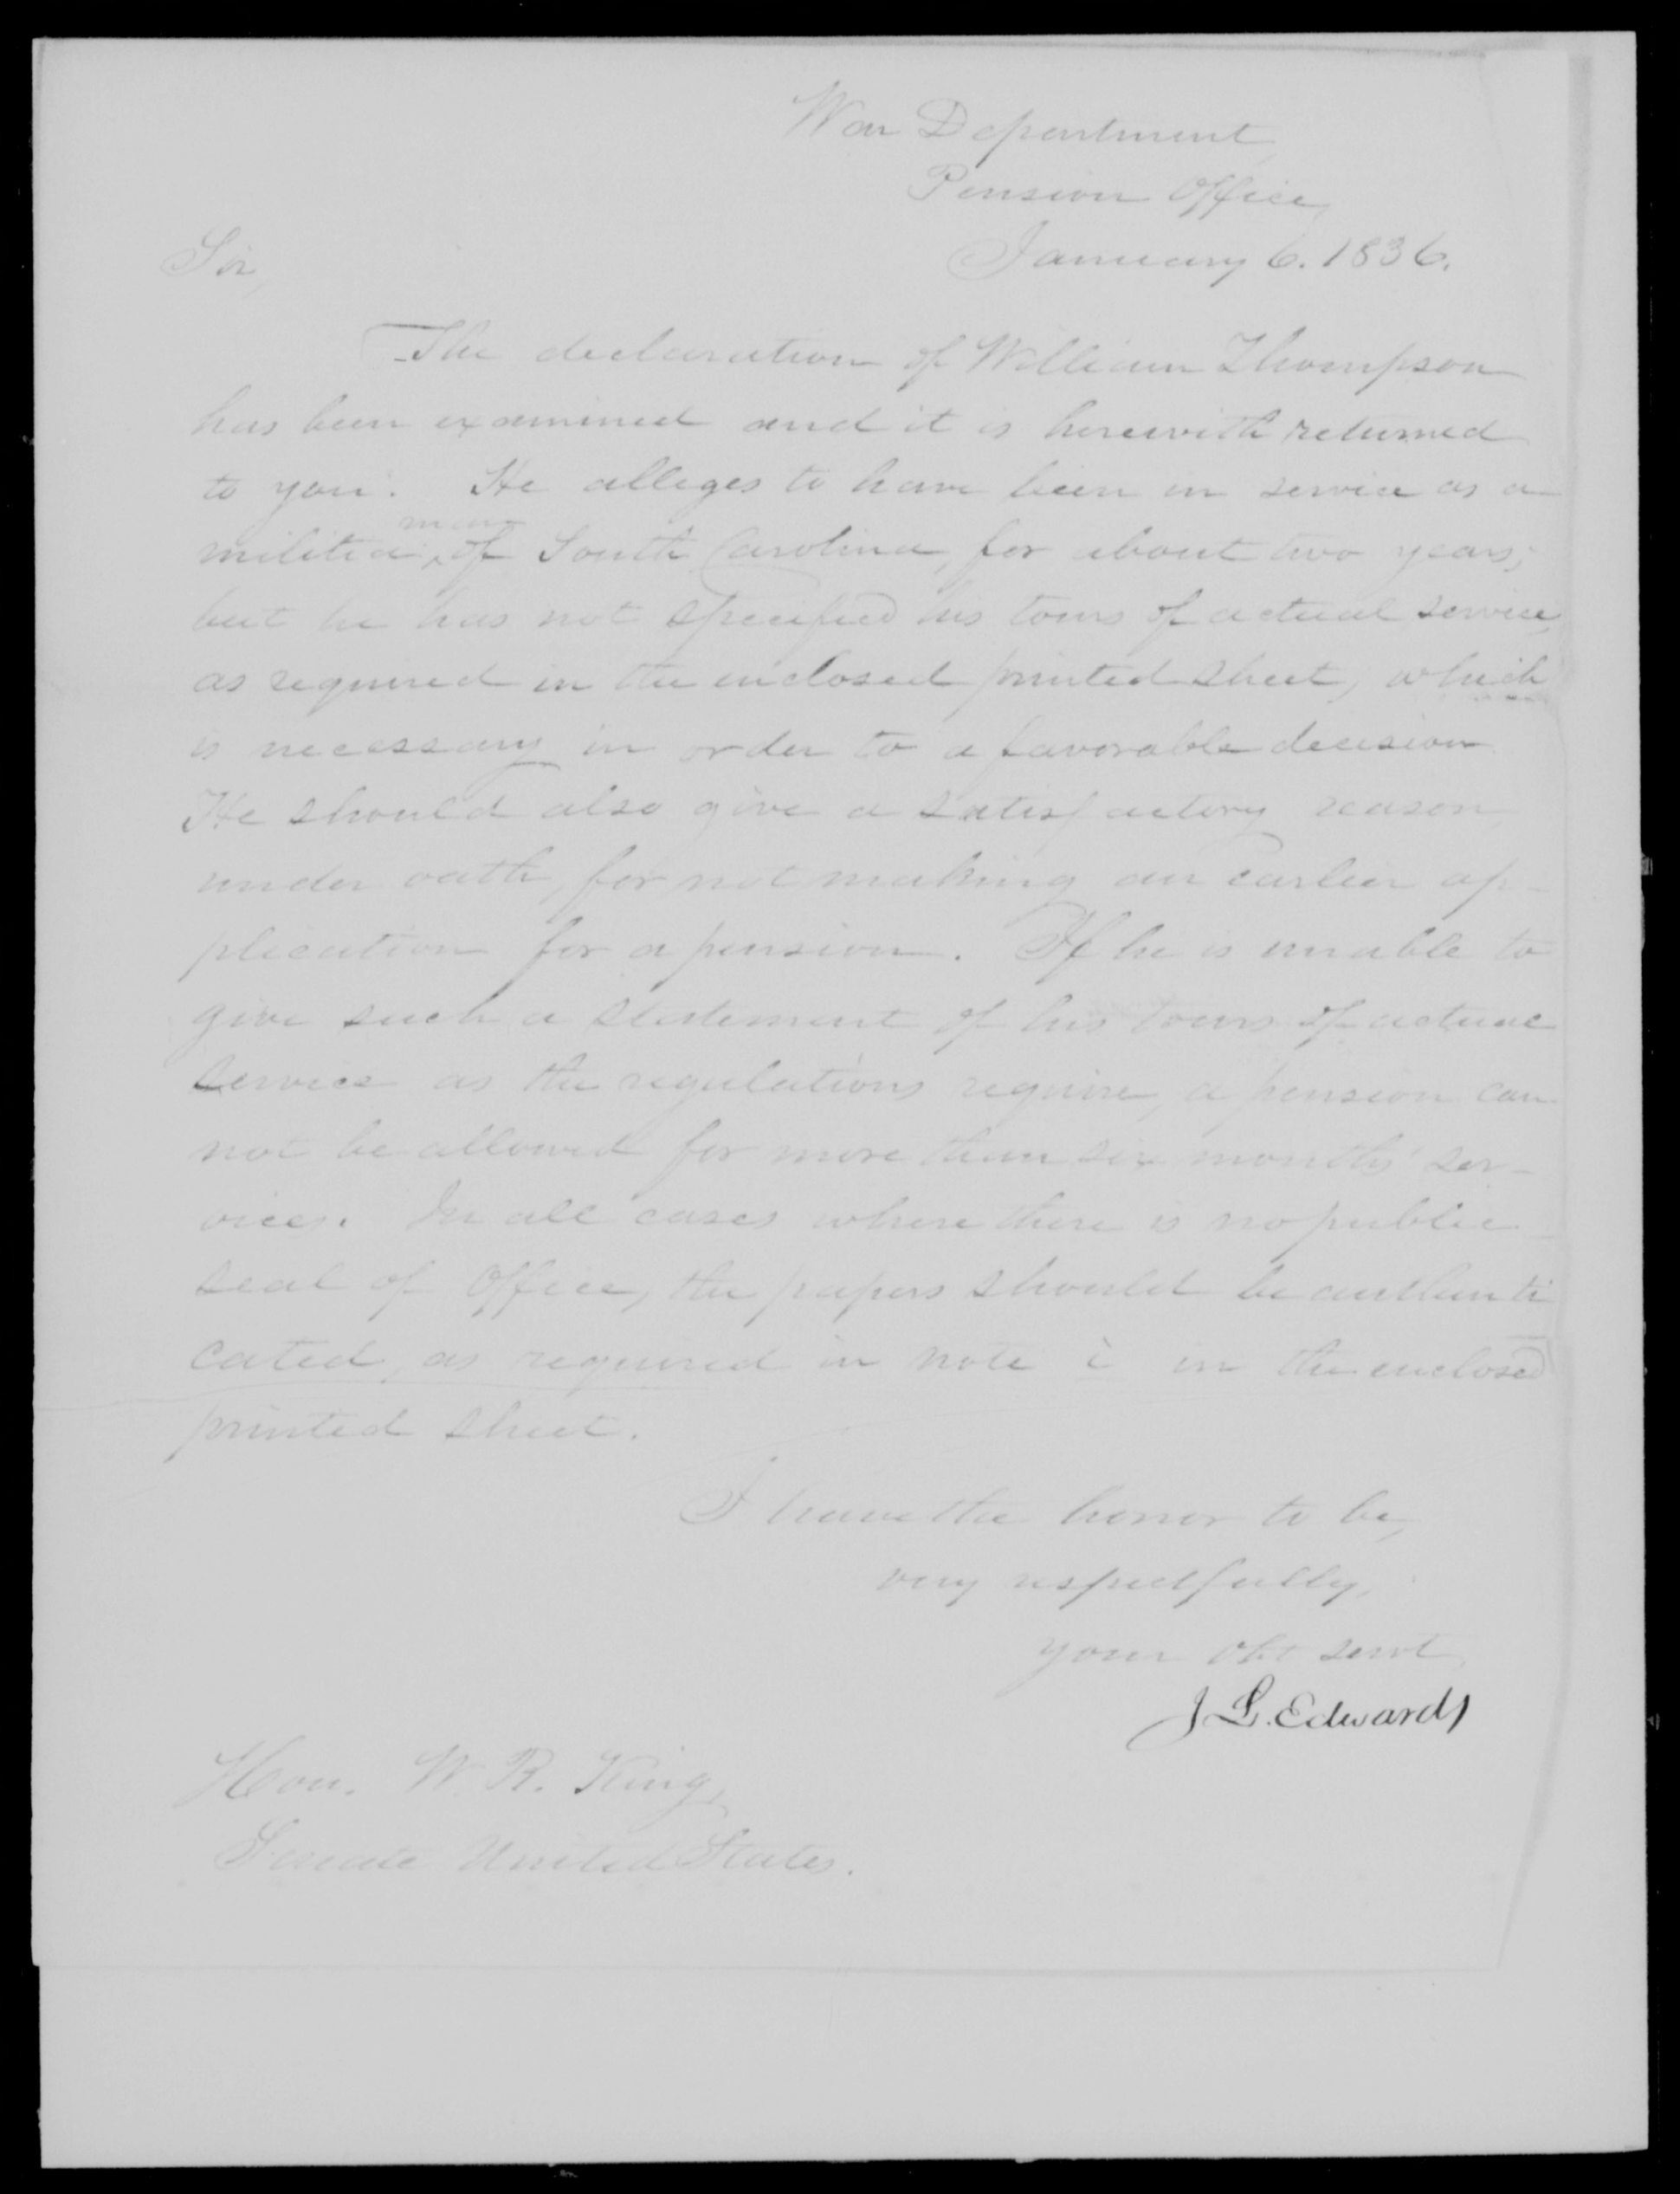War Department
Pension Office
January 6, 1836

The declaration of William Thompson
has been examined and it is herewith returned
to you. He alleges to have been in service as a
militia man of South Carolina, for about two years,
but he has not specified his tours of actual service
as required in the enclosed printed sheet, which
is necessary in order to a favorable decision
He should also give a satisfactory reason
under oath, for not making an earlier ap
plication for a pension. If he is unable to
give such a statement of his tour of active
service as the regulations require, a pension can
not be allowed for more than six months ser
vice. In all cases where there is no public
seal of Office, the papers should be authenti
cated, as required in note is in the enclosed
printed sheet

I have the honor to be
very respectfully,
your obt sevt
J L. Edwards

Hon. W R. King,
Senate United States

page: 14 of 16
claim: rejected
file: R. 10561, for William Thompson, South Carolina